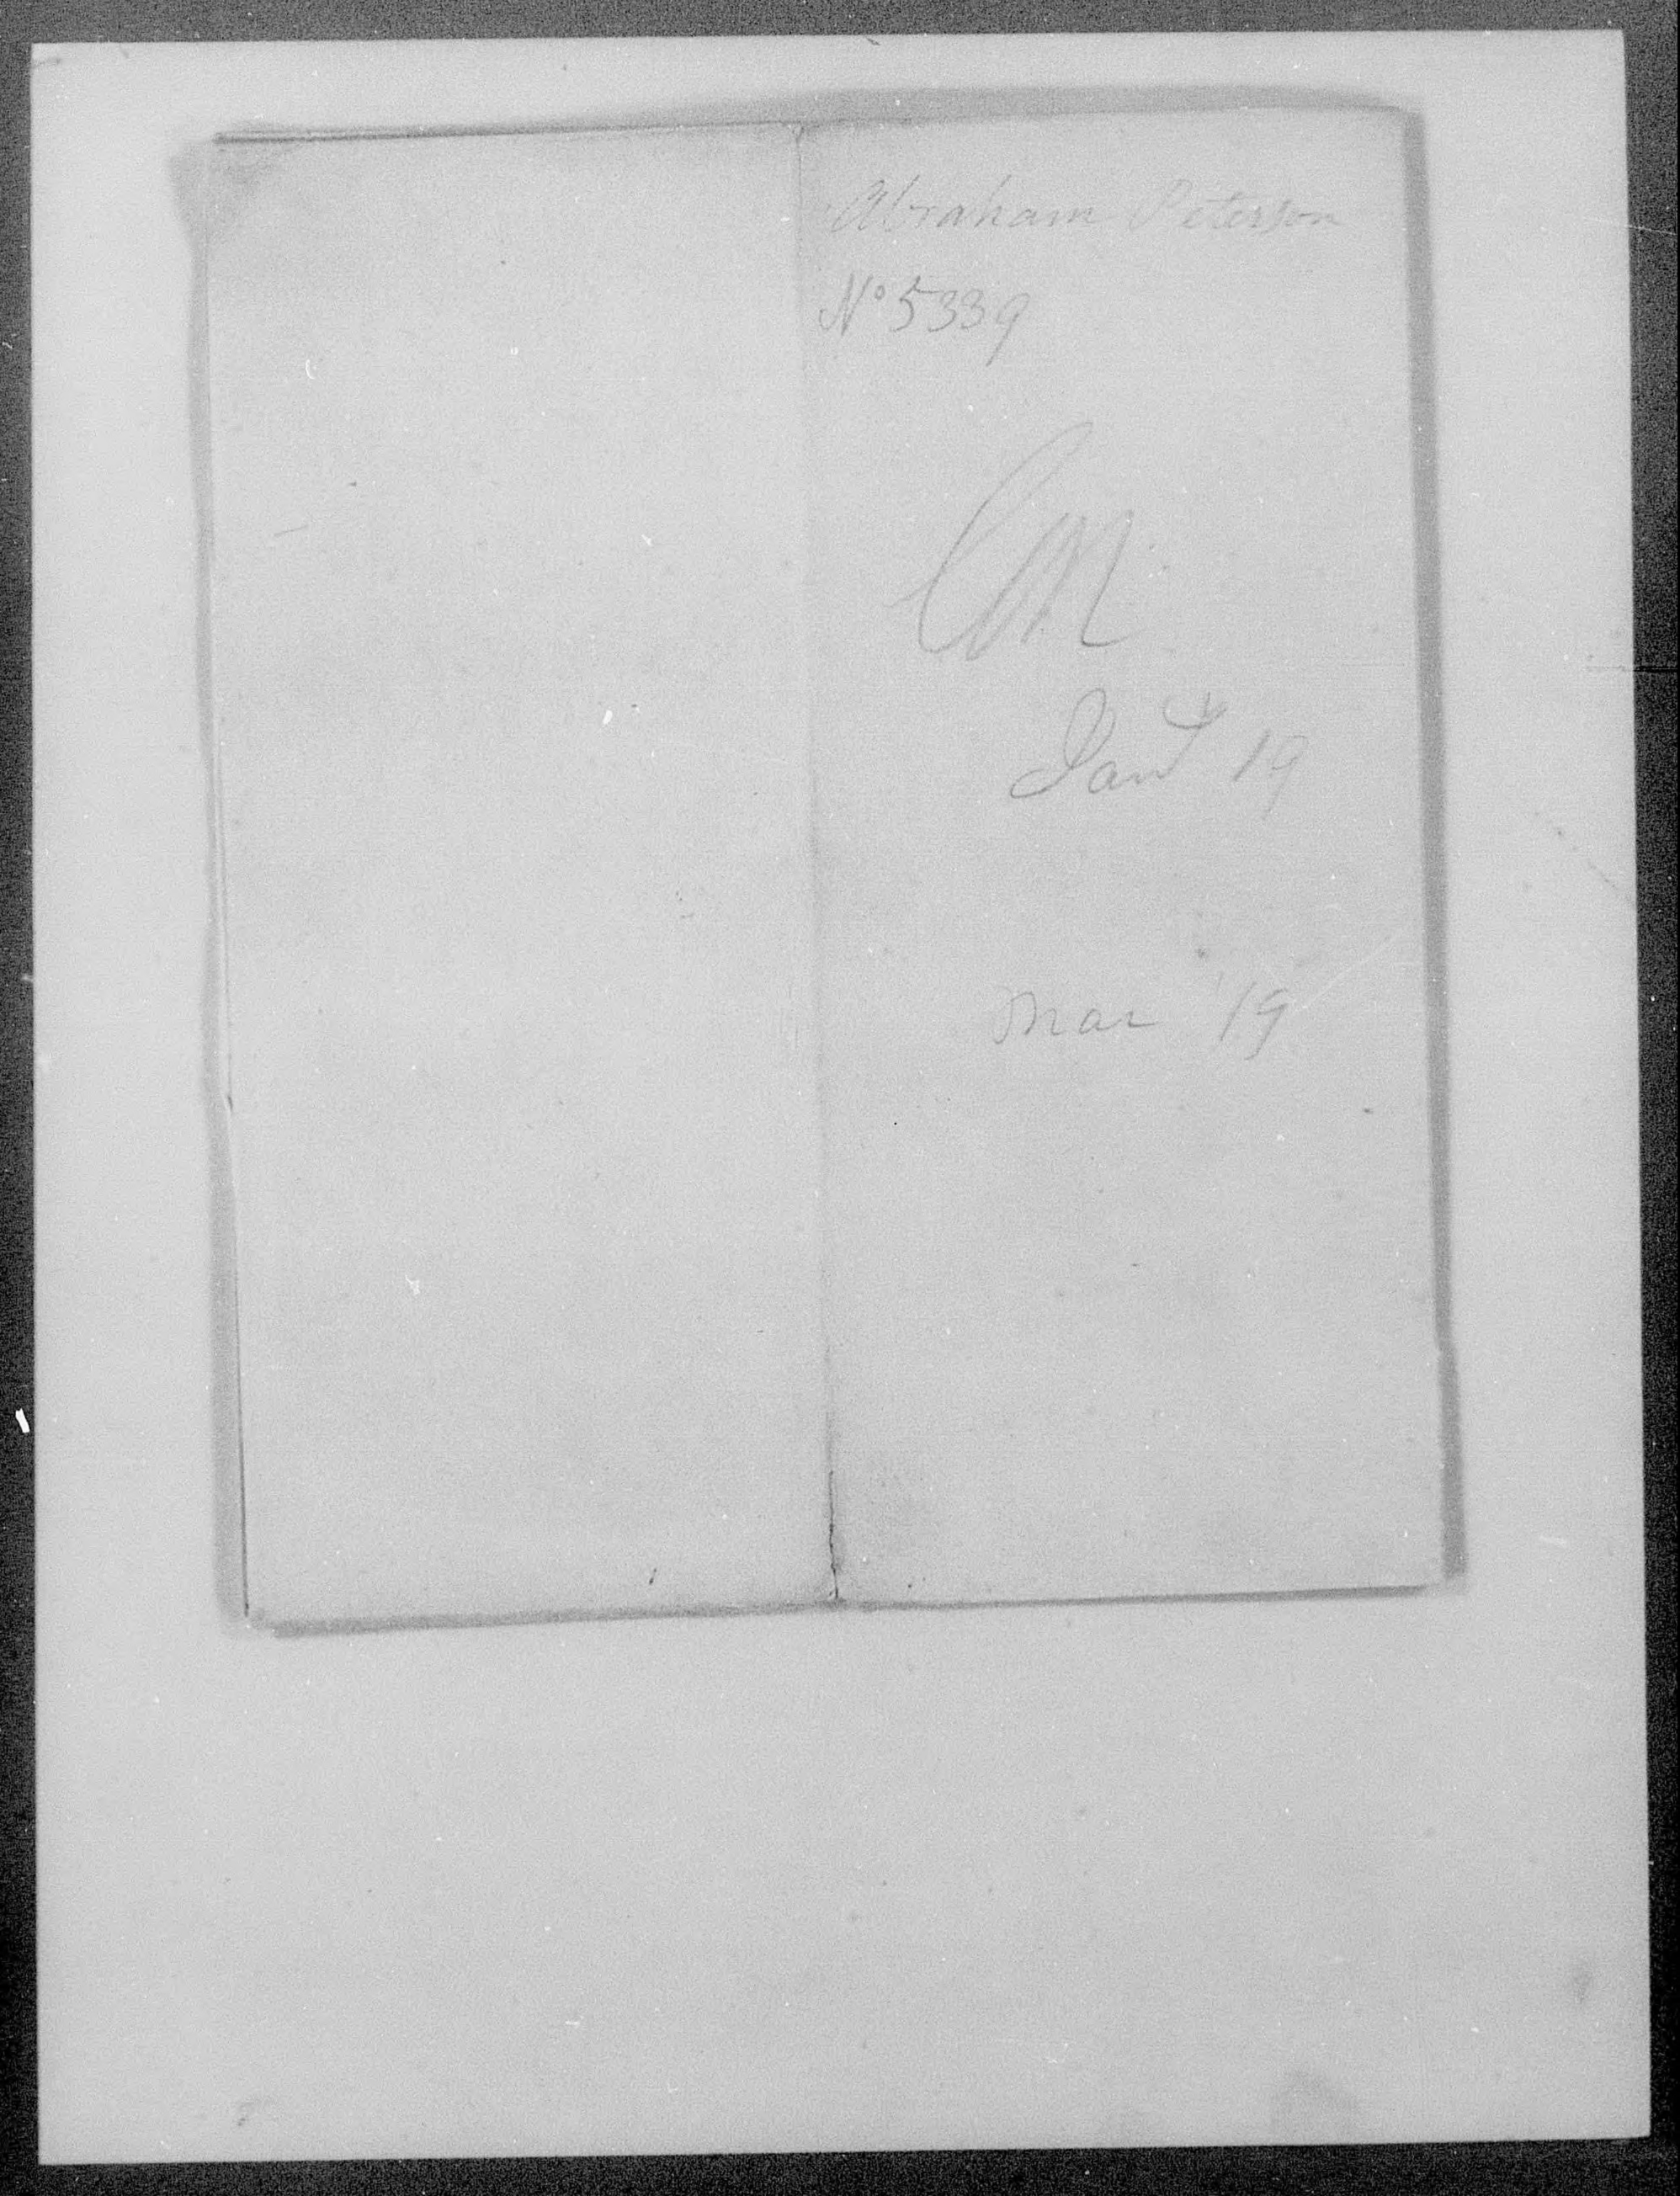Abraham Peterson
No 5339
[?]M

Jan 19

Mar 19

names: Abraham Peterson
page: 7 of 12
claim: survivor's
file: S. 34,471, for Abraham Peterson, New Jersey